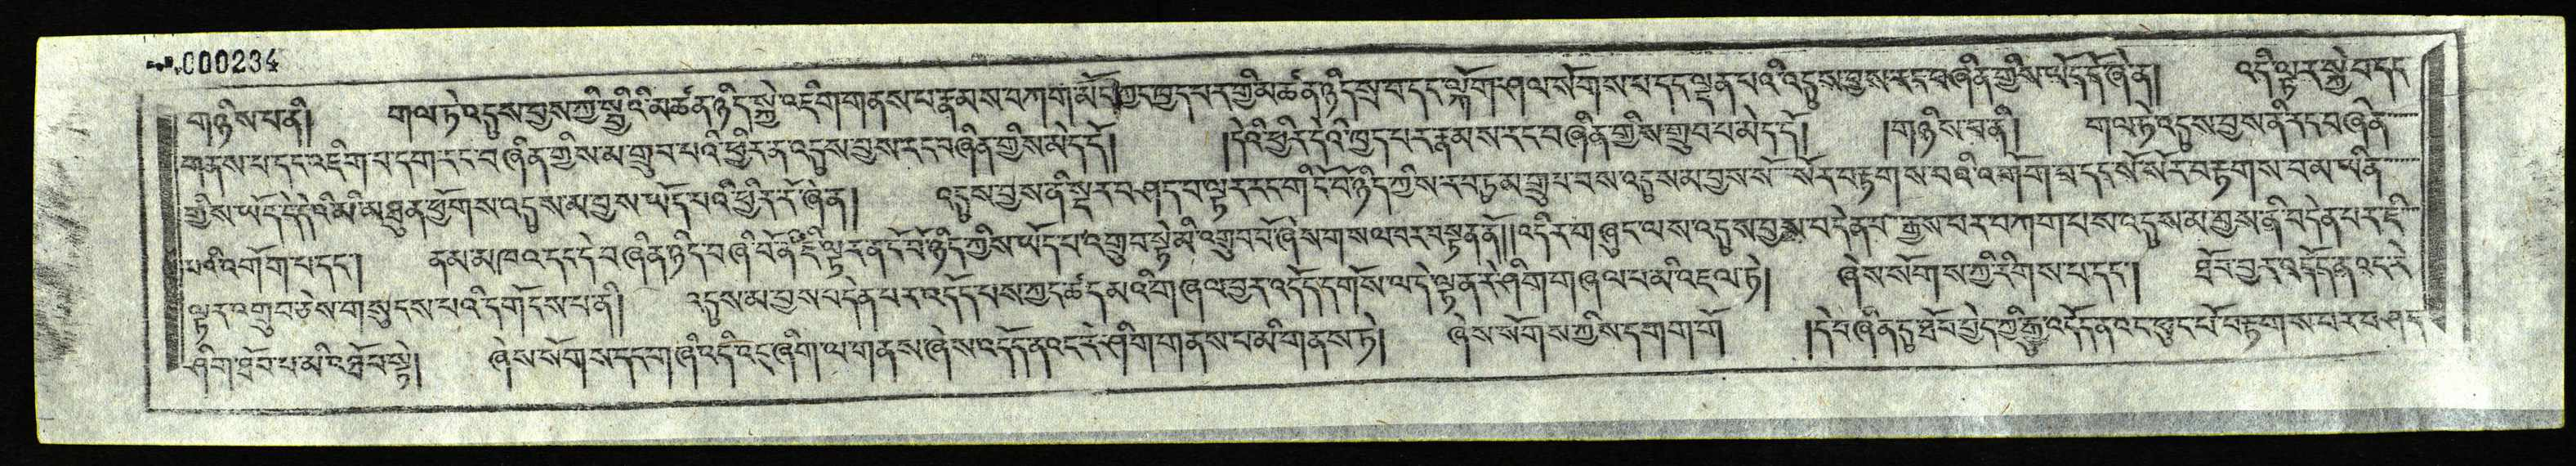གཉིས་པ་ནི། གལ་ཏེ་འདུས་བྱས་ཀྱི་སྤྱིའི་མཚན་ཉིད་སྐྱེ་འཇིག་གནས་པ་རྣམས་བཀག་མོད་ཀྱང་ཁྱད་པར་གྱི་མཚན་ཉིད་སྲ་བ་དང་ལྐོག་ཤལ་སོགས་པ་དང་ལྡན་པའི་འདུས་བྱས་རང་བཞིན་གྱིས་ཡོད་དོ་ཞེ་ན། འདི་ལྟར་སྐྱེ་བ་དང་
གནས་པ་དང་འཇིག་པ་དག་རང་བཞིན་གྱིས་མ་གྲུབ་པའི་ཕྱིར་ན་འདུས་བྱས་རང་བཞིན་གྱིས་མེད་དོ། །དེའི་ཕྱིར་དེའི་ཁྱད་པར་རྣམས་རང་བཞིན་གྱིས་གྲུབ་པ་མེད་དོ། །གཉིས་པ་ནི། གལ་ཏེ་འདུས་བྱས་ནི་རང་བཞིན་
གྱིས་ཡོད་དེ་དེའི་མི་མཐུན་ཕྱོགས་འདུས་མ་བྱས་ཡོད་པའི་ཕྱིར་རོ་ཞེ་ན། འདུས་བྱས་ནི་སྔར་བཤད་པ་ལྟར་རང་གི་ངོ་བོ་ཉིད་ཀྱིས་རབ་ཏུ་མ་གྲུབ་པས་འདུས་མ་བྱས་སོ་སོར་བརྟགས་པའི་འགོག་པ་དང་སོ་སོར་བརྟགས་བ་མ་ཡིན་
པའི་འགོག་པ་དང་། ནམ་མཁའ་དང་དེ་བཞིན་ཉིད་བཞི་པོ་ནི་ཇི་ལྟར་ན་ངོ་བོ་ཉིད་ཀྱིས་ཡོད་པ་འགྲུབ་སྟེ་མི་འགྲུབ་པོ་ཞེས་གསལ་བར་བསྟན་ནོ། །འདིར་གཞུང་ལས་འདུས་བྱས་བདེན་པ་རྒྱས་པར་བཀག་པས་འདུས་མ་བྱས་ནི་བདེན་པར་ཇི་
ལྟར་འགྲུབ་ཅེས་གསུངས་པའི་དགོངས་པ་ནི། འདུས་མ་བྱས་བདེན་པར་འདོད་པས་ཀྱང་ཚད་མའི་གཞལ་བྱར་འདོད་དགོས་ལ་དེ་ལྟ་ན་རེ་ཤིག་གཞལ་པ་མི་འཇལ་ཏེ། ཞེས་སོགས་ཀྱི་རིགས་པ་དང་། ཐོབ་བྱར་འདོད་ནའང་རེ་
ཤིག་ཐོབ་པ་མི་འཐོབ་སྟེ། ཞེས་སོགས་དང་གཞི་འདི་འདྲ་ཞིག་ལ་གནས་ཞེས་འདོད་ནའང་རེ་ཤིག་གནས་པ་མི་གནས་ཏེ། ཞེས་སོགས་ཀྱིས་དགག་གོ །དེ་བཞིན་དུ་ཐོབ་བྱེད་ཀྱི་རྒྱུ་འདོད་ནའང་ཕུང་པོ་བརྟགས་བར་བཤད་